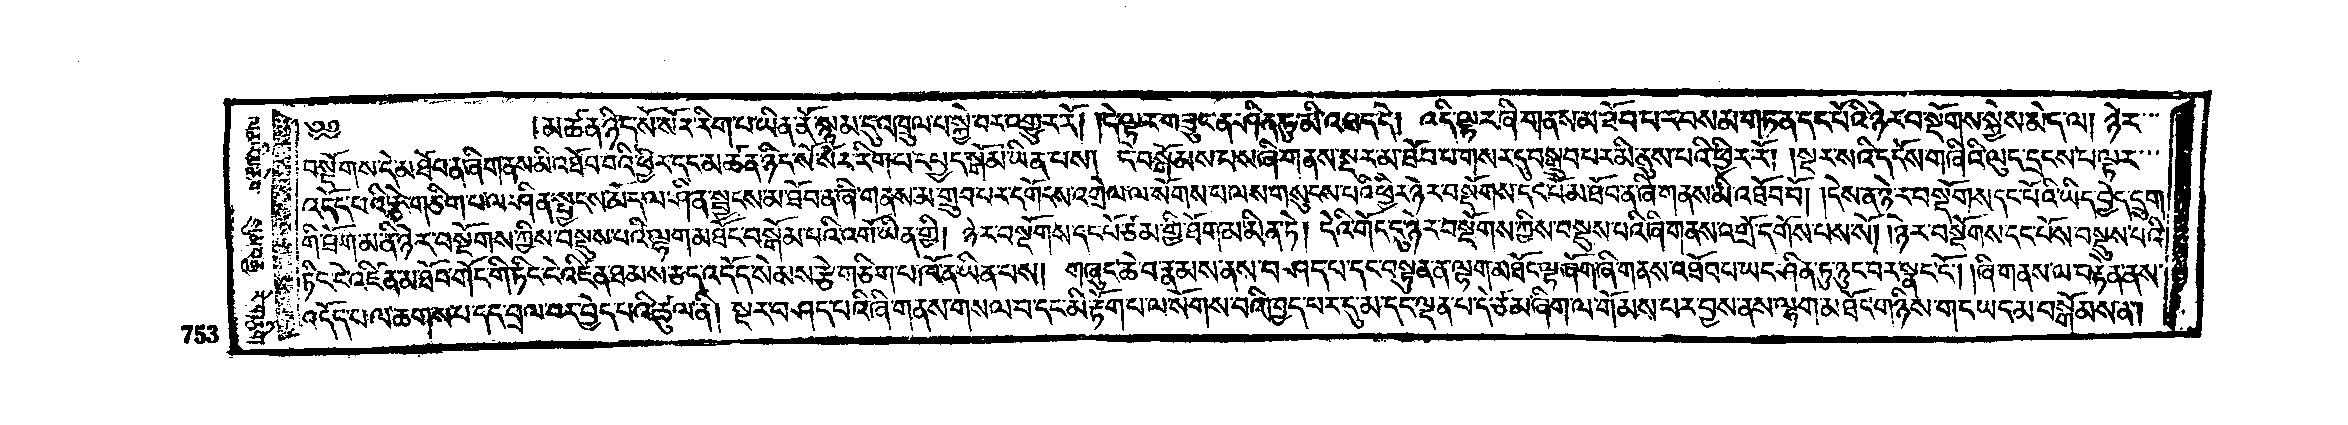༄༅། །མཚན་ཉིད་སོ་སོར་རིག་པ་ཡིན་ནོ་སྙམ་དུ་འཁྲུལ་པ་སྐྱེ་བར་འགྱུར་རོ། །དེ་ལྟར་བཟུང་ན་ཤིན་ཏུ་མི་འཐད་དེ། འདི་ལྟར་ཞི་གནས་མ་ཐོབ་པར་བསམ་གཏན་དང་པོའི་ཉེར་བསྡོགས་སྐྱེས་མེད་ལ། ཉེར་
བསྡོགས་དེ་མ་ཐོབ་ན་ཞི་གནས་མི་འཐོབ་པའི་ཕྱིར་དང་མཚན་ཉིད་སོ་སོར་རིག་པ་དཔྱད་སྒོམ་ཡིན་པས། དེ་བསྒོམས་པས་ཞི་གནས་སྔར་མ་ཐོབ་པ་གསར་དུ་བསྒྲུབ་པར་མི་ནུས་པའི་ཕྱིར་རོ། །སྔར་སའི་དངོས་གཞིའི་ལུང་དྲངས་པ་ལྟར་
འདོད་པའི་རྩེ་གཅིག་པ་ལ་ཤིན་སྦྱངས་མེད་ལ་ཤིན་སྦྱངས་མ་ཐོབ་ན་ཞི་གནས་མ་གྲུབ་པར་དགོངས་འགྲེལ་ལ་སོགས་པ་ལས་གསུངས་པའི་ཕྱིར་ཉེར་བསྡོགས་དང་པོ་མ་ཐོབ་ན་ཞི་གནས་མི་འཐོབ་བོ། །དེས་ན་ཉེར་བསྡོགས་དང་པོའི་ཡིད་བྱེད་དྲུག་
གི་ཐོག་མ་ནི་ཉེར་བསྡོགས་ཀྱིས་བསྡུས་པའི་ལྷག་མཐོང་བསྒོམ་པའི་འགོ་ཡིན་གྱི། ཉེར་བསྡོགས་དང་པོ་ཙམ་གྱི་ཐོག་མ་མིན་ཏེ། དེའི་གོང་དུ་ཉེར་བསྡོགས་ཀྱིས་བསྡུས་པའི་ཞི་གནས་འགྲོ་དགོས་པས་སོ། །ཉེར་བསྡོགས་དང་པོས་བསྡུས་པའི་
ཏིང་ངེ་འཛིན་མ་ཐོབ་གོང་གི་ཏིང་ངེ་འཛིན་ཐམས་ཅད་འདོད་སེམས་རྩེ་གཅིག་པ་ཁོ་ན་ཡིན་པས། གཞུང་ཆེ་བ་རྣམས་ནས་བཤད་པ་དང་བསྟུན་ན་ལྷག་མཐོང་ལྟ་ཞོག་ཞི་གནས་འཐོབ་པ་ཡང་ཤིན་ཏུ་ཉུང་བར་སྣང་ངོ། །ཞི་གནས་ལ་བརྟེན་ནས་
འདོད་པ་ལ་ཆགས་པ་དང་བྲལ་བར་བྱེད་པའི་ཚུལ་ནི། སྔར་བཤད་པའི་ཞི་གནས་གསལ་བ་དང་མི་རྟོག་པ་ལ་སོགས་པའི་ཁྱད་པར་དུ་མ་དང་ལྡན་པ་དེ་ཙམ་ཞིག་ལ་གོམས་པར་བྱས་ནས་ལྷག་མཐོང་གཉིས་གང་ཡང་མ་བསྒོམས་ན།